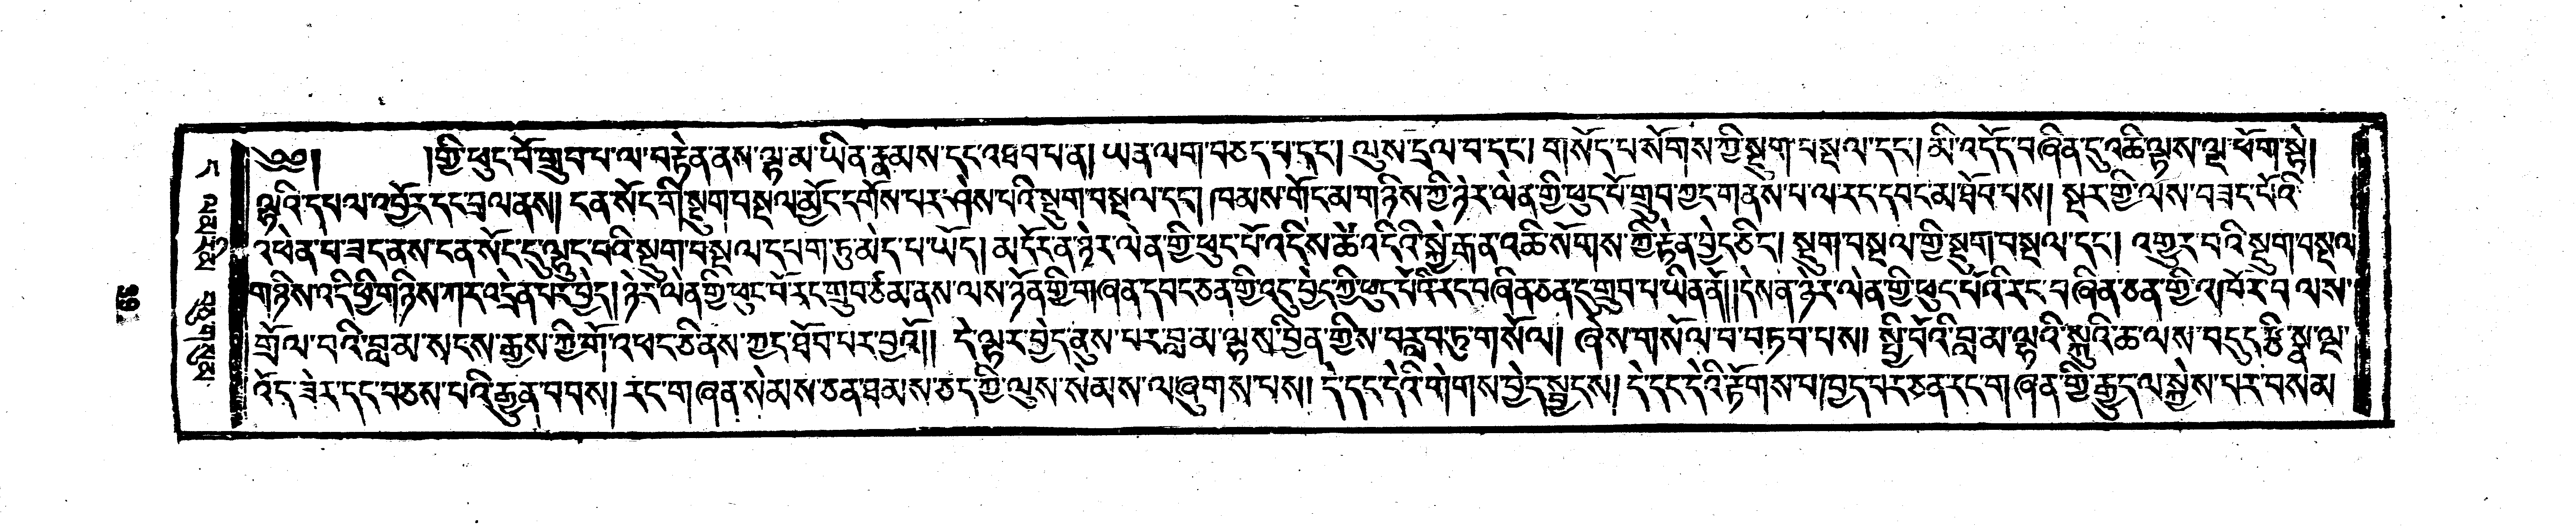༄༅། །གྱི་ཕུང་པོ་གྲུབ་པ་ལ་བརྟེན་ནས་ལྷ་མ་ཡིན་རྣམས་དང་འཐབ་པ་ན། ཡན་ལག་བཅད་པ་དང་། ལུས་དྲལ་བ་དང་། གསོད་པ་སོགས་ཀྱི་སྡུག་བསྔལ་དང་། མི་འདོད་བཞིན་དུ་འཆི་ལྟས་ལྔ་ཕོག་སྟེ།
ལྷའི་དཔལ་འབྱོར་དང་བྲལ་ནས། ངན་སོང་གི་སྡུག་བསྔལ་མྱོང་དགོས་པར་ཤེས་པའི་སྡུག་བསྔལ་དང་། ཁམས་གོང་མ་གཉིས་ཀྱི་ཉེར་ལེན་གྱི་ཕུང་པོ་གྲུབ་ཀྱང་གནས་པ་ལ་རང་དབང་མ་ཐོབ་པས། སྔར་གྱི་ལས་བཟང་པོའི་
འཕེན་པ་ཟད་ནས་ངན་སོང་དུ་ལྷུང་བའི་སྡུག་བསྔལ་དཔག་ཏུ་མེད་པ་ཡོད། མདོར་ན་ཉེར་ལེན་གྱི་ཕུང་པོ་འདིས་ཚེ་འདིའི་སྐྱེ་རྒ་ན་འཆི་སོགས་ཀྱི་རྟེན་བྱེད་ཅིང་། སྡུག་བསྔལ་གྱི་སྡུག་བསྔལ་དང་། འགྱུར་བའི་སྡུག་བསྔལ་
གཉིས་འདི་ཕྱི་གཉིས་ཀར་འདྲེན་པར་བྱེད། ཉེར་ལེན་གྱི་ཕུང་པོ་རང་གྲུབ་ཙམ་ནས་ལས་ཉོན་གྱི་གཞན་དབང་ཅན་གྱི་འདུ་བྱེད་ཀྱི་ཕུང་པོའི་རང་བཞིན་ཅན་དུ་གྲུབ་པ་ཡིན་ནོ། །དེས་ན་ཉེར་ལེན་གྱི་ཕུང་པོའི་རང་བཞིན་ཅན་གྱི་འཁོར་བ་ལས་
གྲོལ་བའི་བླ་མ་སངས་རྒྱས་ཀྱི་གོ་འཕང་ཅི་ནས་ཀྱང་ཐོབ་པར་བྱའོ། །དེ་ལྟར་བྱེད་ནུས་པར་བླ་མ་ལྷས་བྱིན་གྱིས་བརླབ་ཏུ་གསོལ། ཞེས་གསོལ་བ་བཏབ་པས། སྤྱི་བོའི་བླ་མ་ལྷའི་སྐུའི་ཆ་ལས་བདུད་རྩི་སྣ་ལྔ་
འོད་ཟེར་དང་བཅས་པའི་རྒྱུན་བབས། རང་གཞན་སེམས་ཅན་ཐམས་ཅད་ཀྱི་ལུས་སེམས་ལ་ཞུགས་པས། དེ་དང་དེའི་གེགས་བྱེད་སྦྱངས། དེ་དང་དེའི་རྟོགས་པ་ཁྱད་པར་ཅན་རང་གཞན་གྱི་རྒྱུད་ལ་སྐྱེས་པར་བསམ་